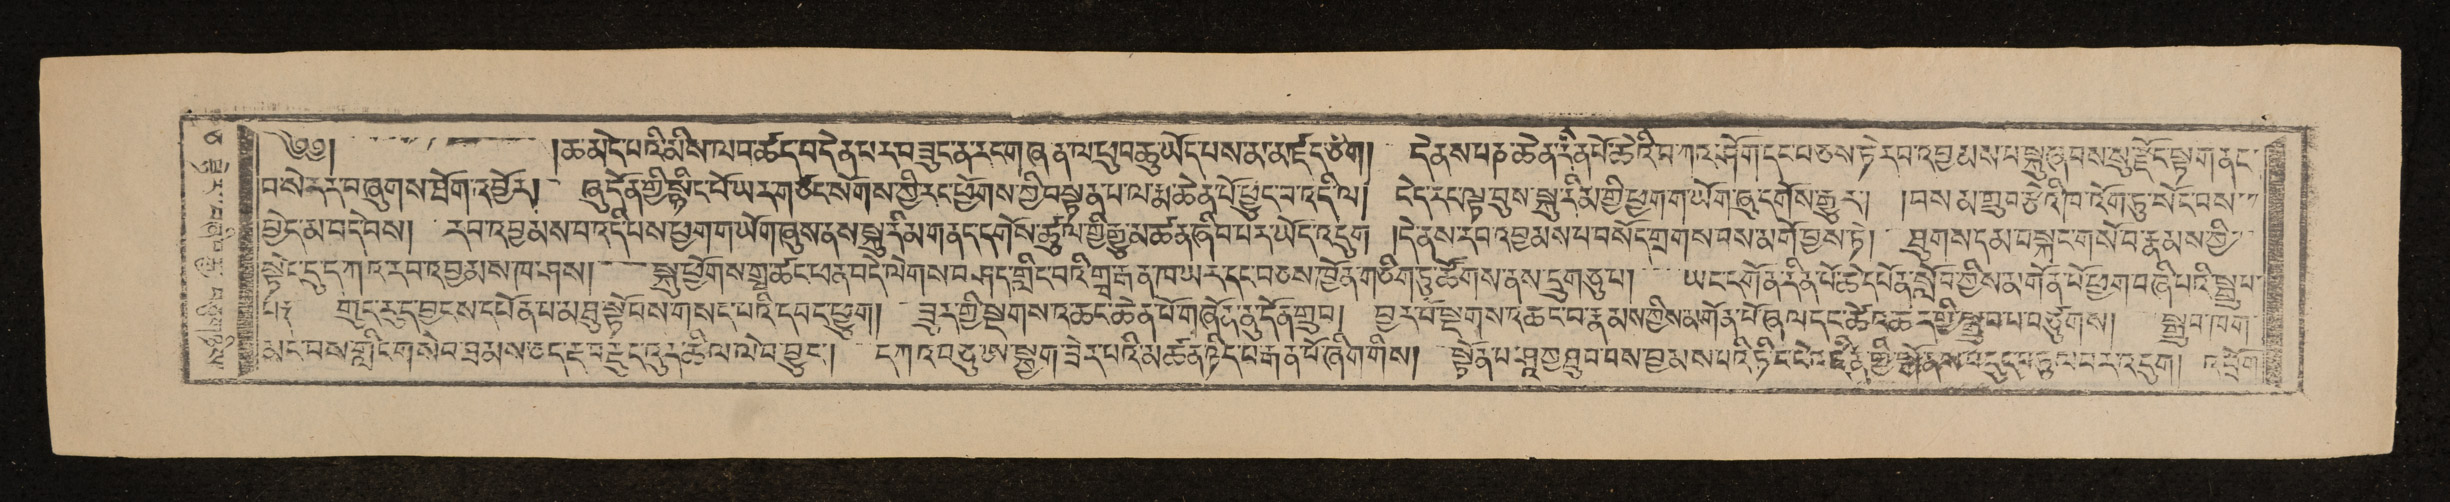༄༅། །ཆ་མེད་པའི་མིས་ལབ་ཚད་བདེན་པར་བཟུང་ན་རང་གཞན་ལ་ཕུབ་ཆུ་ཡོད་པས་མ་མཛད་ཅིག། དེ་ནས་པཎ་ཆེན་རིན་པོ་ཆེའི་བཀའ་ཤོག་དང་བཅས་ཏེ་རབ་འབྱམས་པ་སྐུ་ཞབས་སུ་རྫོང་སྟ་གནང་
བ་སེ་རར་བཞུགས་ཐོག་འབྱོར། ཞུ་དོན་གྱི་སྙིང་པོ་ཡར་གཙང་སོགས་ཀྱི་རང་ཕྱོགས་ཀྱི་བསྟན་པ་ལ་རྨ་ཆེན་པོ་ཕྱུང་བ་འདི་ལ། ངེད་རང་ལྟ་བུས་སྐུ་རིམ་གྱི་ཕྱག་གཡོག་ཞུ་དགོས་རྒྱུར། བསམ་གྲུབ་རྩེའི་ཁ་འོག་ཏུ་སོང་བས་
བྱེད་མ་བདེབས། རབ་འབྱམས་པ་འདི་པས་ཕྱག་གཡོག་ཞུས་ནས་སྐུ་རིམ་གནང་དགོས་ཚུལ་གྱི་རྒྱུ་མཚན་ཞིབ་པར་ཡོད་འདུག །དེ་ནས་རབ་འབྱམས་པ་བསོད་གྲགས་པས་མགོ་བྱས་ཏེ། ཐུགས་དམ་བསྐང་གསོ་བ་རྣམས་ཀྱི་
སྟེང་དུ་དཀའ་རབ་འབྱམས་ཁ་ཤས། སྐུ་ཕྱོགས་གྲྭ་ཚང་ཕན་བདེ་ལེགས་བཤད་གླིང་བའི་གྲྭ་རྒན་ཁ་ཡར་དང་བཅས་ཁྱོན་གཅིག་ཏུ་ཚོགས་ནས་དྲུག་ཅུ་པ། ཡང་དགོན་རིན་པོ་ཆེ་དཔོན་སློབ་ཀྱིས་མགོན་པོ་ཕྱག་བཞི་པའི་སྒྲུབ་
པ༑ གུང་རུ་དབྱངས་དབོན་པ་མཐུ་སྟོབས་གསང་བའི་དབང་ཕྱུག། ཟུར་གྱི་སྔགས་འཆང་ཆེན་པོ་གཞོན་ནུ་དོན་གྲུབ། བྱར་བོ་སྔགས་འཆང་བ་རྣམས་ཀྱིས་མགོན་པོ་ཞལ་དང་ཚེ་འཆར་གྱི་སྒྲུབ་པ་བཙུགས། སྒྲུབ་ཁག་
མང་བས་གླིང་གསེབ་ཐམས་ཅད་རྔ་བརྡུང་བུར་ཆིལ་ལེ་བ་བྱུང་། དཀའ་བཅུ་ཨ་སྐྱ་གཟེར་བའི་མཚན་ཉིད་པ་རྒན་པོ་ཞིག་གིས། སྟོན་པ་ཤཱཀྱ་ཐུབ་པས་བྱམས་པའི་ཏིང་ངེ་འཛིན་གྱི་སྒོ་ནས་བདུད་བདུལ་བར་འདུག། འབྲོག་